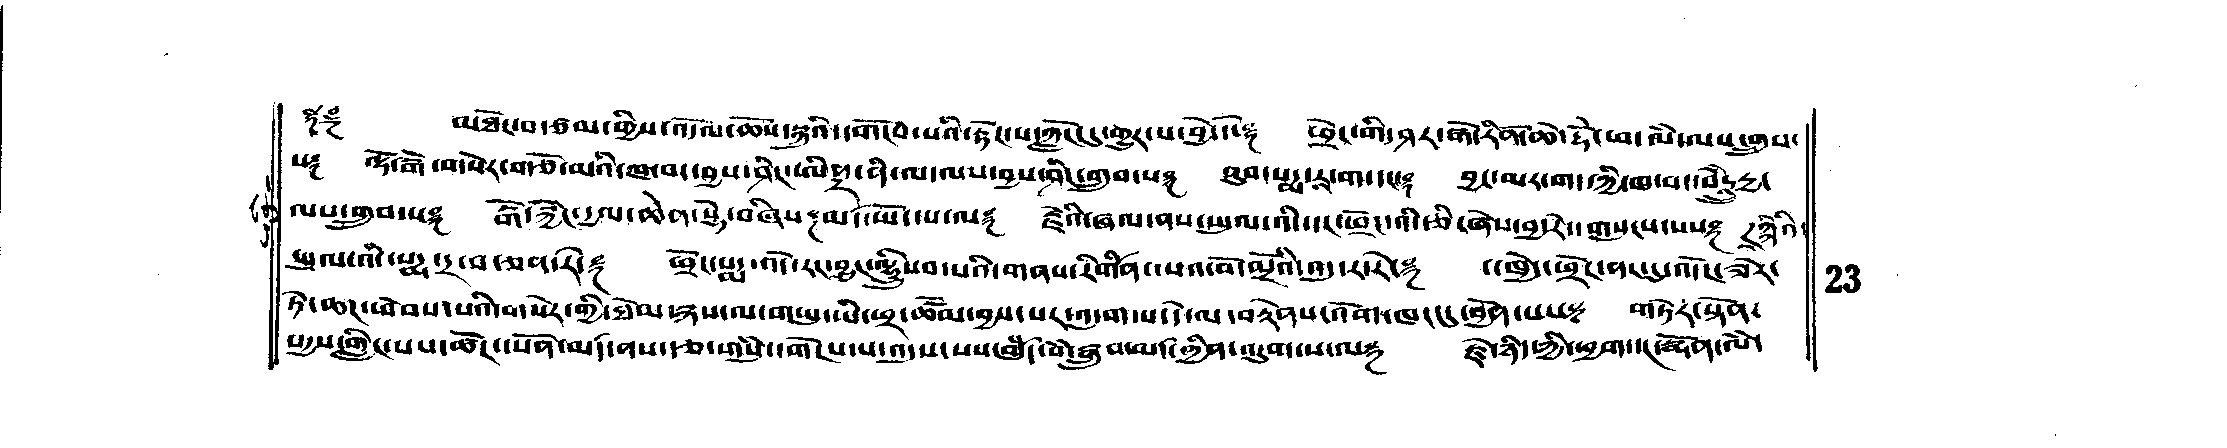མཐོང་བ་ཙམ་གྱིས་འོད་གསལ་ཆོས་སྐུའི་དགོངས་པའི་རྟོགས་པ་ཀློང་དུ་གྱུར་པ་བྱེད་དོ། ཕོ་བྲང་གི་ཤར་སྒོ་རིན་པོ་ཆེ་རྡོ་རྗེ་ཕ་ལམ་ལས་གྲུབ་
པ། ལྷོ་སྒོ་གསེར་གཙོ་མའི་ཁ་བད་བྱས་ཤིང་ཨིནྡྲ་ནི་ལ་ལས་བྱས་ཤིང་གྲུབ་པ། ནུབ་པདྨ་རཱ་ག་དང་། བྱང་མར་གད་ཀྱི་ཁ་བད་བཻཌཱུརྻ་
ལས་གྲུབ་པ། སྒོ་སྐྱོང་རྒྱལ་ཆེན་སྡེ་བཞིས་མཛད་ཡོད་པ་ལ། རྗེའི་ཞལ་ནས་ཡུལ་འདི་དང་ཕོ་བྲང་འདི་ཅི་ཞེས་བྱ་རེད་གསུངས་པས། ཌཱཀྐིའི་
ཡུལ་འདི་པདྨ་དྲ་བ་ཅན་རེད། ཕོ་བྲང་པདྨ་འོད་རང་བྱུང་ལྷུན་གྱིས་གྲུབ་པའི་གནས་རིག་འཛིན་དཔའ་བོ་མཁའ་འགྲོའི་འདུ་ར་རེད། ད་ཁྱོད་ཕོ་བྲང་ནང་དུ་འདོང་ཟེར་
ཏེ་ཆགས་༼པྱག་?༽ཕེབས་པའི་གསེར་གྱི་ཐེམ་སྐས་ལ་གཡུ་ཡི་ཕྲ་ཚོམ་བྱས་པར་འདུག་པ་དེ་ལ་བརྟེན་ནས་འོག་ཁང་དུ་བྱོན་པས། གཏེར་སྟོན་
སངས་རྒྱས་གླིང་པས་ཚོགས་དཔོན་མཛད་ནས་རྩ་གསུམ་དགོངས་པ་འདུས་པས་བདུད་རྩི་བམ་སྒྲུབ་མཛད་ཀྱིན་འདུག་པ་ལ། རྗེ་ཉིད་ཀྱི་ཕྱག་དང་སྨོན་ལམ་